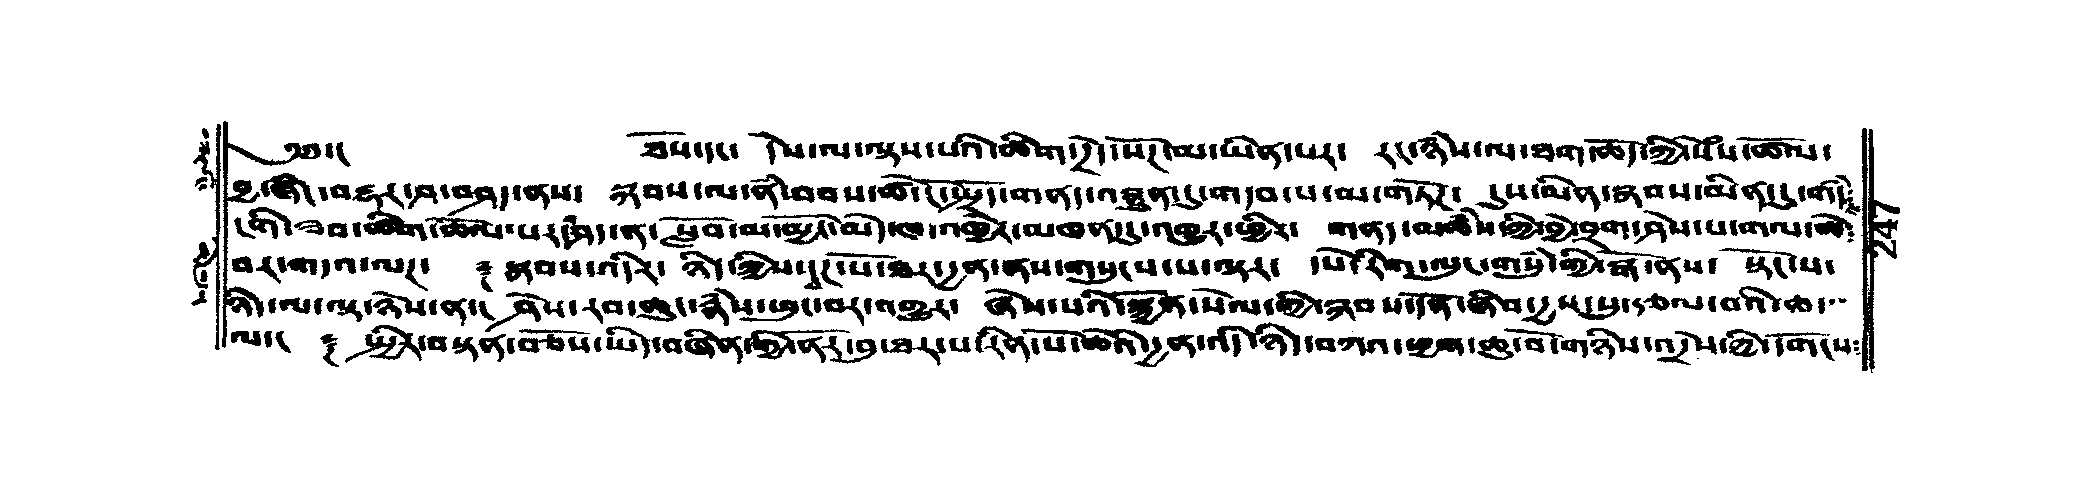ཐོས་དང་། དཔེ་ལ་ལྟས་པའི་ཚིག་དྲེད་སོགས་མ་ཡིན་པར། རང་ཉམས་ལ་ཐག་ཆོད་ཀྱི་སེམས་ཚོལ་
བྱ་ཞིང་བརྡར་ཤ་བཤད་ནས། སྐབས་ལ་ནམ་བབས་ཚེ་ངོ་སྤྲོད་གནད་བསྣུན་དུ་གདབ་པ་མ་གཏོགས། དུས་མིན་སྐབས་མིན་དུ་གདམས་
ངག་གི་ཟབ་ཚིག་འཆོལ་བར་བཤད་ན། སློབ་མ་མྱོང་མེད་ཁ་འཁྱེར་མཁན་དུ་འགྱུར་ཕྱིར། གནད་མཚམས་ཀྱི་བྱེ་བྲག་ཤེས་པ་གལ་ཆེ་
བར་གདའ་ལགས། ༈ སྐབས་འདིར། ཉིད་ཀྱི་དྭགས་པོ་ཐར་རྒྱན་ནས་གསུངས་པ་ལྟར། དཔེ་རིགས་ལུང་གསུམ་གྱི་སྒོ་ནས། སྟོང་པ་
ཉིད་ལ་ལྟ་ཉེས་ན། །ཤེས་རབ་ཆུང་རྣམས་ཕུང་བར་འགྱུར། ཞེས་པའི་སྐྱོན་སེལ་གྱི་སྐབས་དོན་ཞིབ་རྒྱས་སུ་སྩལ་བའི་ཆ་
ལ། སྤྱིར་བསྟན་བཅོས་ཡིད་བཞིན་གྱི་ནོར་བུ་ཐར་པ་རིན་པོ་ཆེའི་རྒྱན་འདི་ཉིད་བཀའ་ཕྱག་ཆུ་བོ་གཉིས་འདྲེས་ཀྱི་དགོངས་